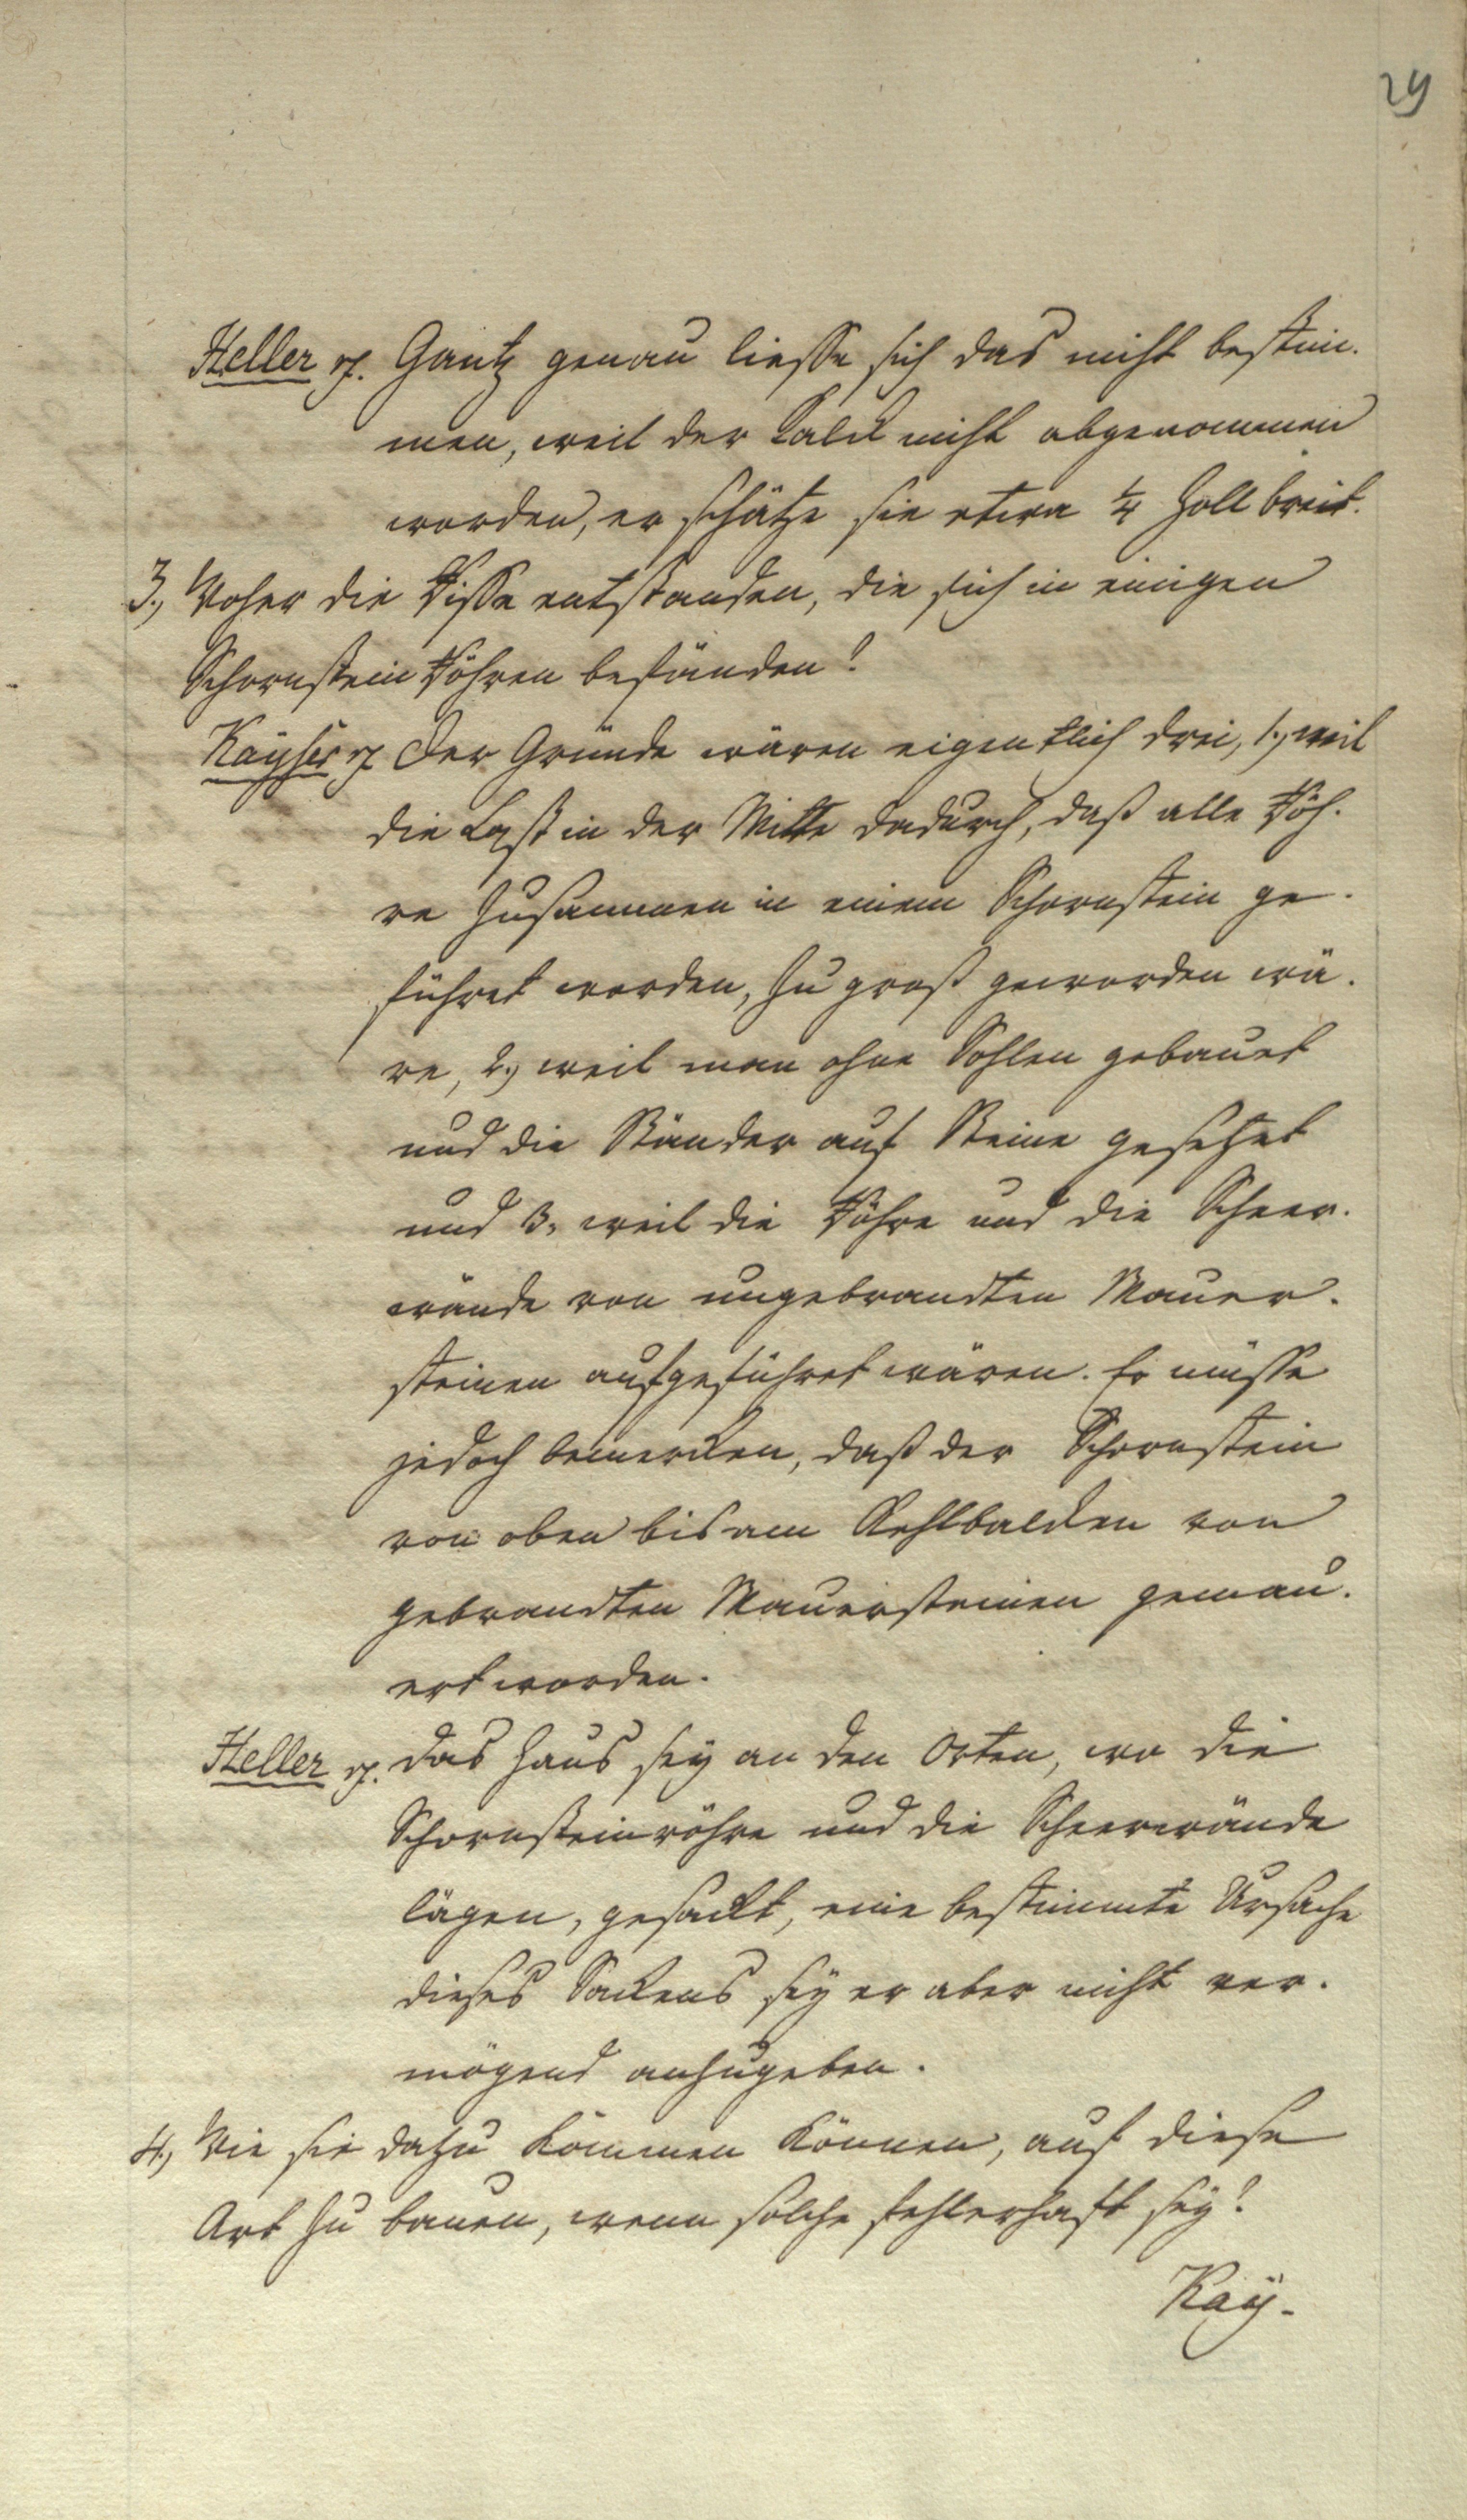Heller rf. Gantz genau liesse sich das nicht bestim¬
men, weil der Kalck nicht abgenommen
worden, er schätze sie etwa ¼ Zoll breit.
3. Woher die Risse entstanden, die sich in einigen
SchorneinRöhren befänden?
Kaÿser rf. Der Gründe wären eigentlich drei, 1. weil
die Last in der Mitte dadurch, daß alle Röh¬
re zusammen in einem Schornstein ge¬
führet worden, zu groß geworden wä¬
re, 2., weil man ohne Sohlen gobauet
und die Ständer auf Steine gesetzet
und 3., weil die Röhre und die Scheer¬
wände von ungebrandten Mauer¬
steinen aufgeführet wären. Er müsse
jedoch bemercken, daß der Schornstein
von oben bis am Kehlbalcken von
gebrandten Mauersteinen gemau¬
ert worden.
Heller rf. Das Haus seÿ an den Orten, wo die
Schornsteinröhre und die Scheerwände
lägen, gesackt, eine bestimmte Ursache
dieses Sackens seÿ er aber nicht ver¬
mögend anzugeben.
4., Wie sie dazu kommen können, auf diese
Art zu bauen, wenn solche fehlertaft seÿ?
Kaÿ.